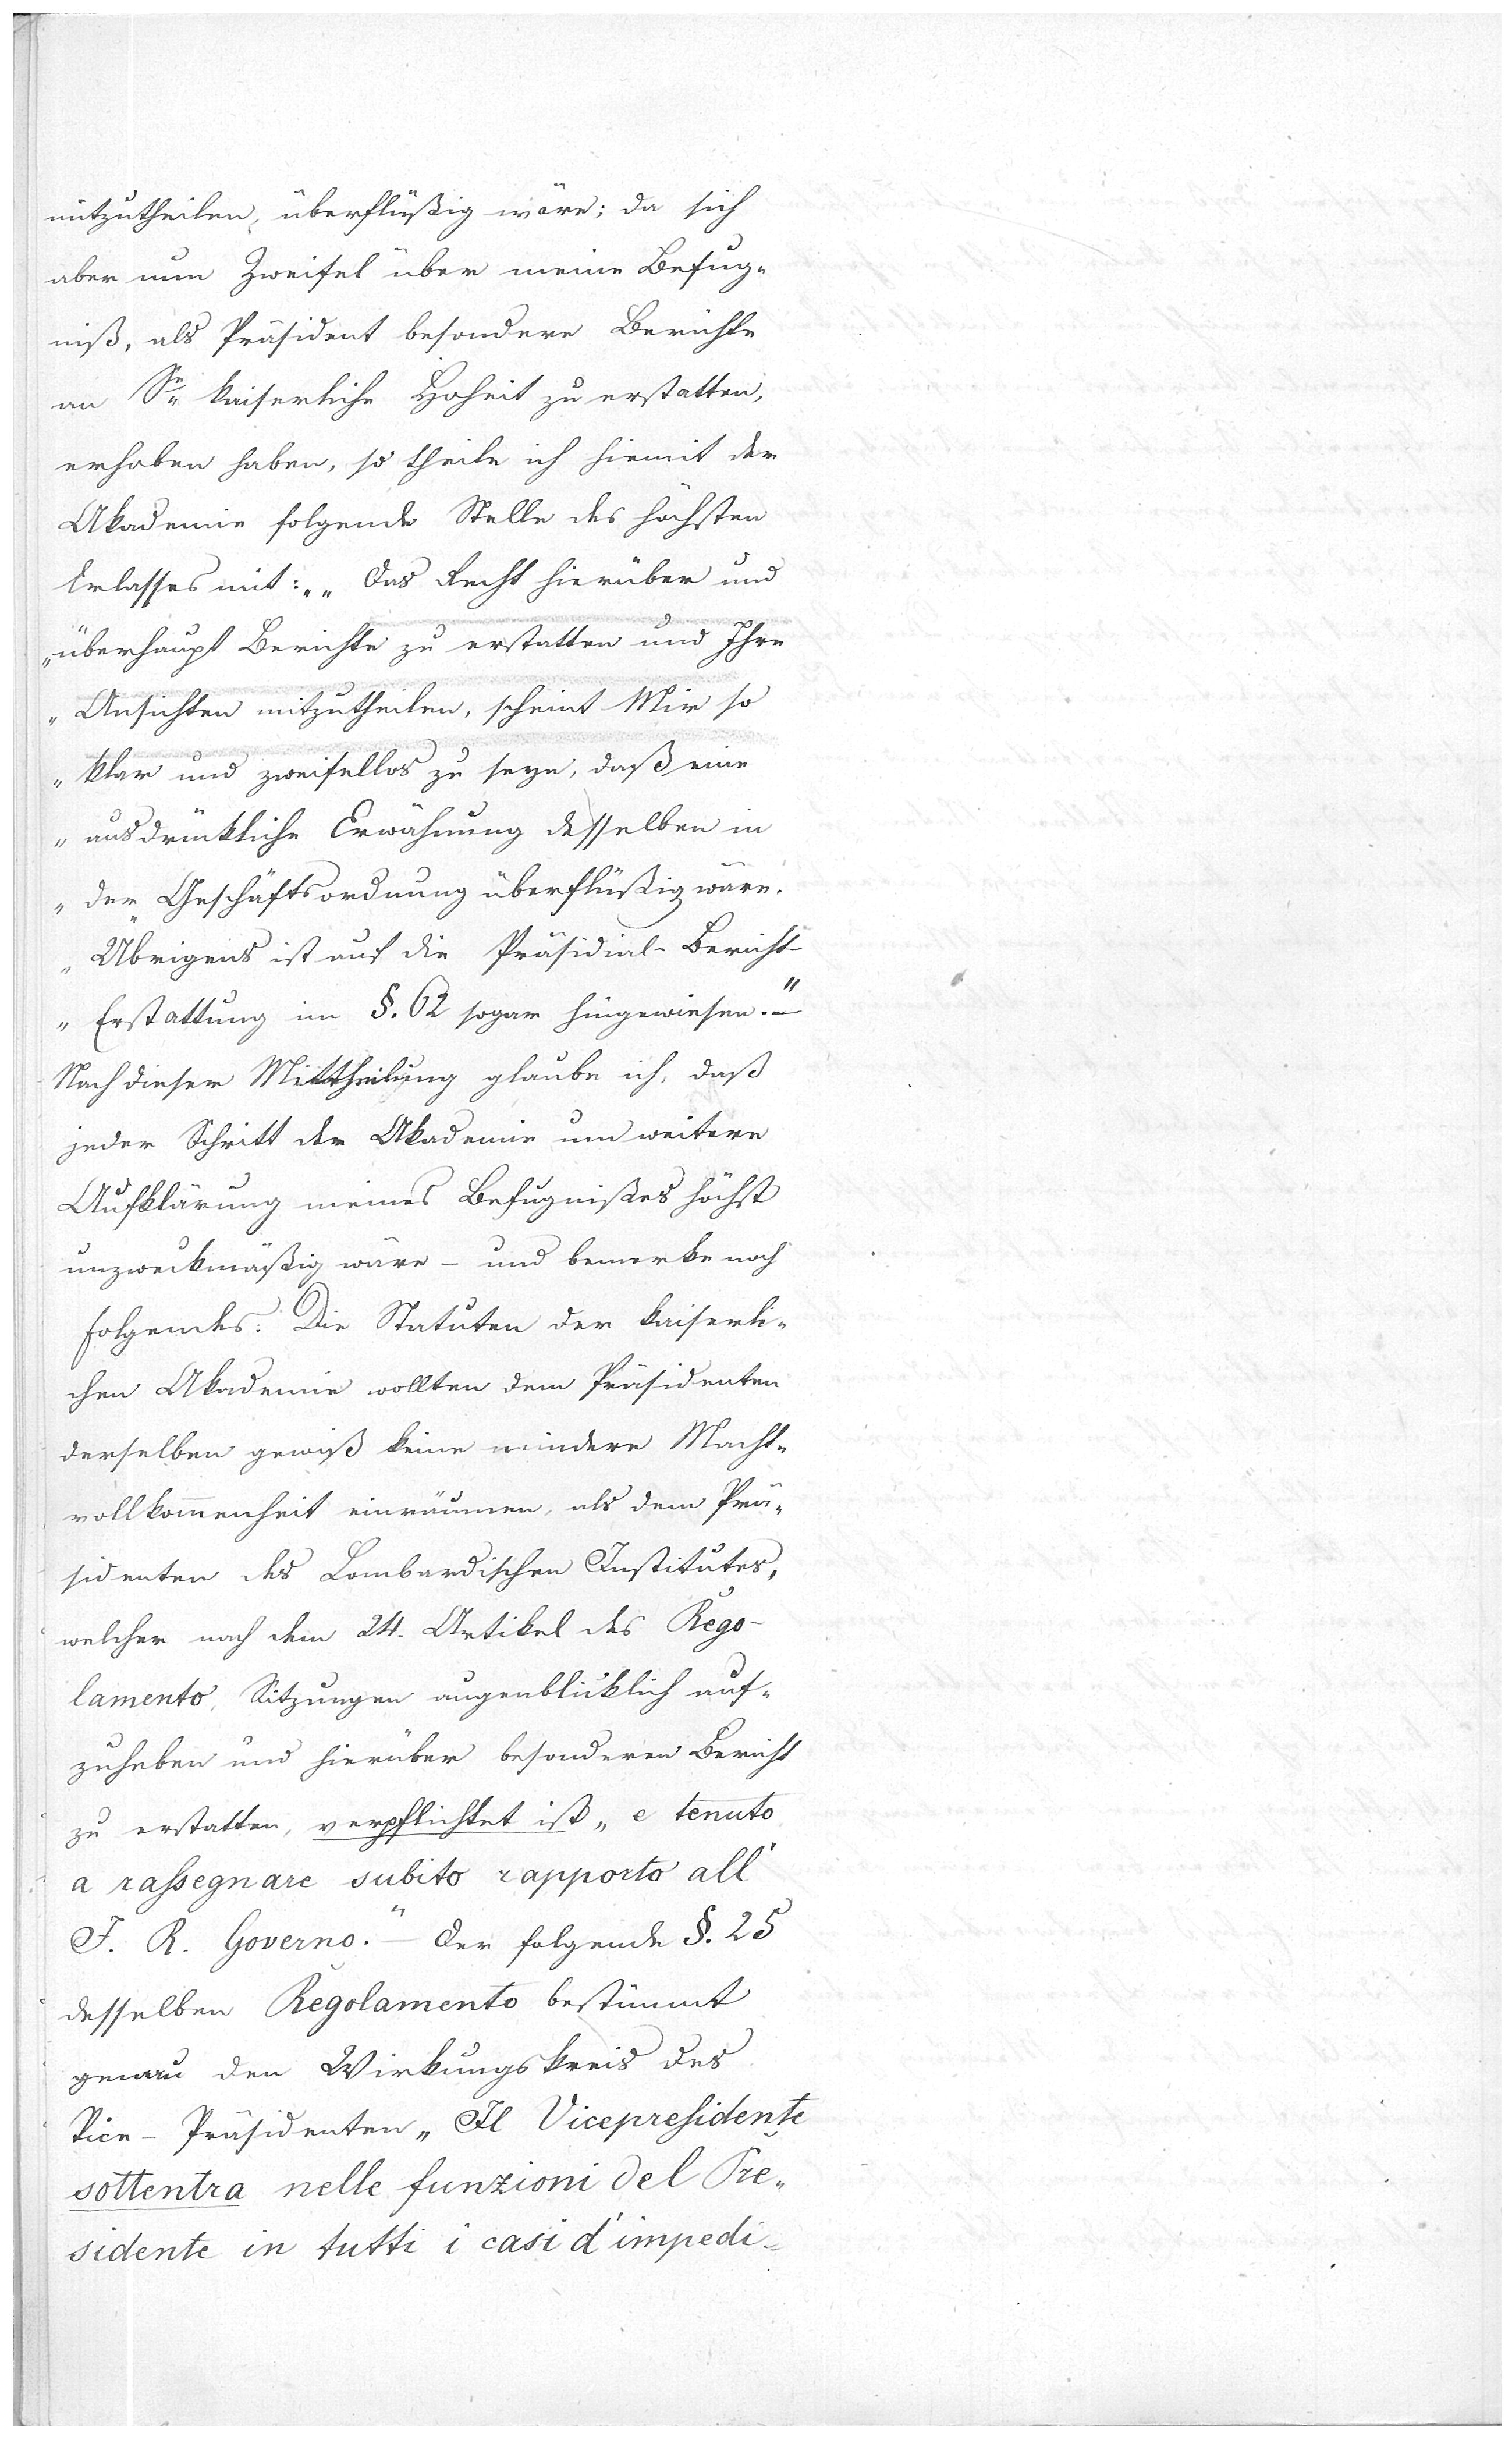mitzutheilen, überflüßig wäre; da sich
aber nun Zweifel über meine Befug-
niß, als Präsident besondere Berichte
an Sr. kaiserliche Hoheit zu erstatten,
erhoben haben, so theile ich hiemit der
Akademie folgende Stelle des höchsten
Erlasses mit: "" Das Recht hierüber und
"überhaupt Berichte zu erstatten und Ihre
"Ansichten mitzutheilen, scheint Mir so
"klar und zweifellos zu seyn, daß eine
"ausdrückliche Erwähnung desselben in
"der Geschäftsordnung überflüßit wäre.
"Übrigens ist auf die Präsidial-Bericht-
"Erstattund im § 62 sogar hingewiesen."
Nach dieser Mittheilung glaube ich, daß
jeder Schritte der Akademie um weitere
Aufklärung meines Befugnißes höchst
unzweckmäßig wäre - und bemerke noch
folgendes: Die Statuten der kaiserli-
chen Akademie wollten dem Präsidenten
derselben gewiß keine mindere Macht-
vollkommenheit einräumen, als dem Prä-
sidenten des Lombardischen Institues,
welcher nach dem 24. Artikel des Rego-
lamento, Sitzungen augenblicklich auf-
zuheben und hierüber besonderen Bericht
zu erstatten, verpflichtet ist, "e tenuto
a Rassegnare subito rapporto all'
J. R. Governo." Der folgende § 25
desselben Regolamento bestimmt
genau den Wirkungskreis des
Vice-Präsidenten "Il Vicepresidente
sottentra nelle funzioni del Pre-
sidente in tutti i casi d'impedi-